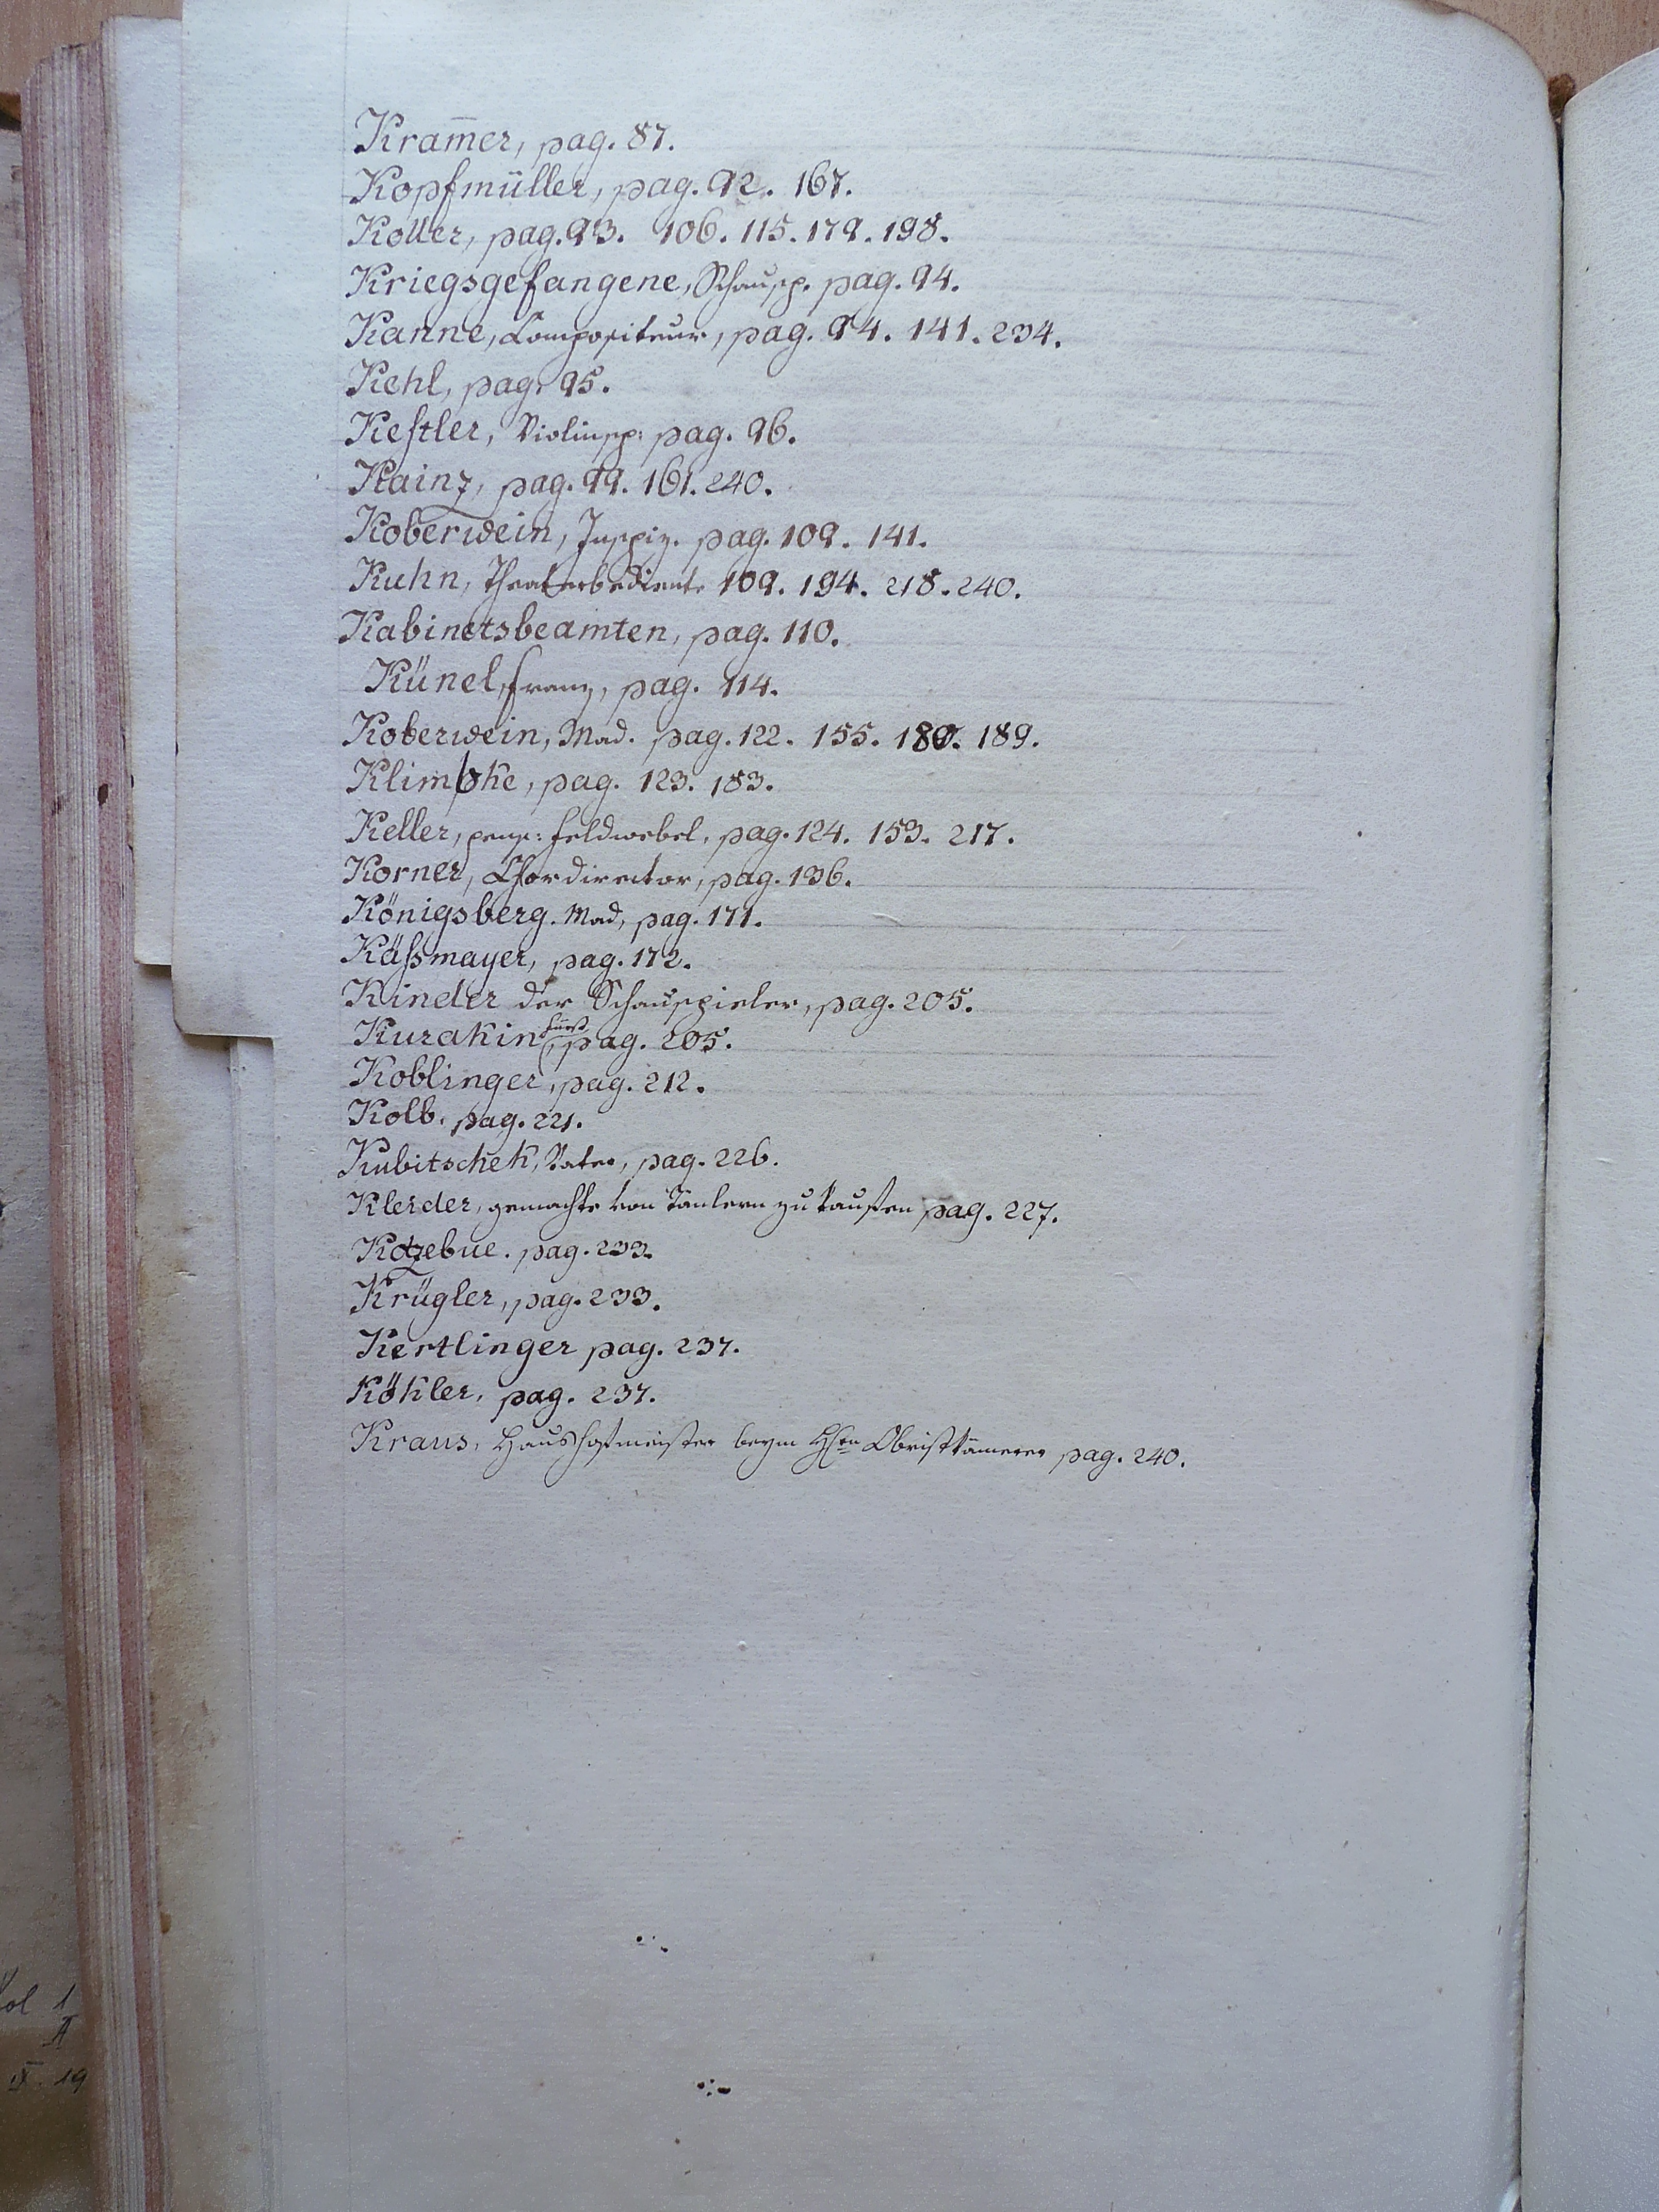Kram̅er, pag. 87.
Kopfmüller, pag. 92. 167.
Koller, pag. 93. 106. 115. 179. 198.
Kriegsgefangene, Schausp. pag. 94.
Kanne, Compositeur, pag. 94. 141. 234.
Kehl, pag. 95.
Kestler, Violinsp: pag. 96.
Kainz, pag. 99. 161. 240.
Koberwein, Inspiz. pag. 109. 141.
Kuhn, Theaterbedient. 109. 194. 218. 240.
Kabinetsbeamten, pag. 110.
Künel, Franz, pag. 114.
Koberwein, Mad. pag. 122. 155. 180. 189.
Klimbke, pag. 123. 183.
Keller, pens: Feldwebel, pag. 124. 153. 217.
Korner, Chordirector, pag. 136.
Königsberg, Mad, pag. 171.
Kässmayer, pag. 172.
Kinder der Schauspieler, pag. 205.
KurakinFürst, 205.
Koblinger, pag. 212.
Kolb. pag. 221.
Kubitschek, Vater, pag. 226.
Kleider, gemachte von Tänlern zu kaufen pag. 227.
Kotzebue. pag. 233.
Krügler, pag. 233.
Kertlinger pag. 237.
Köhler, pag. 237.
Kraus, Haushofmeister beym HEr͇n Obristkämerer pag. 240.